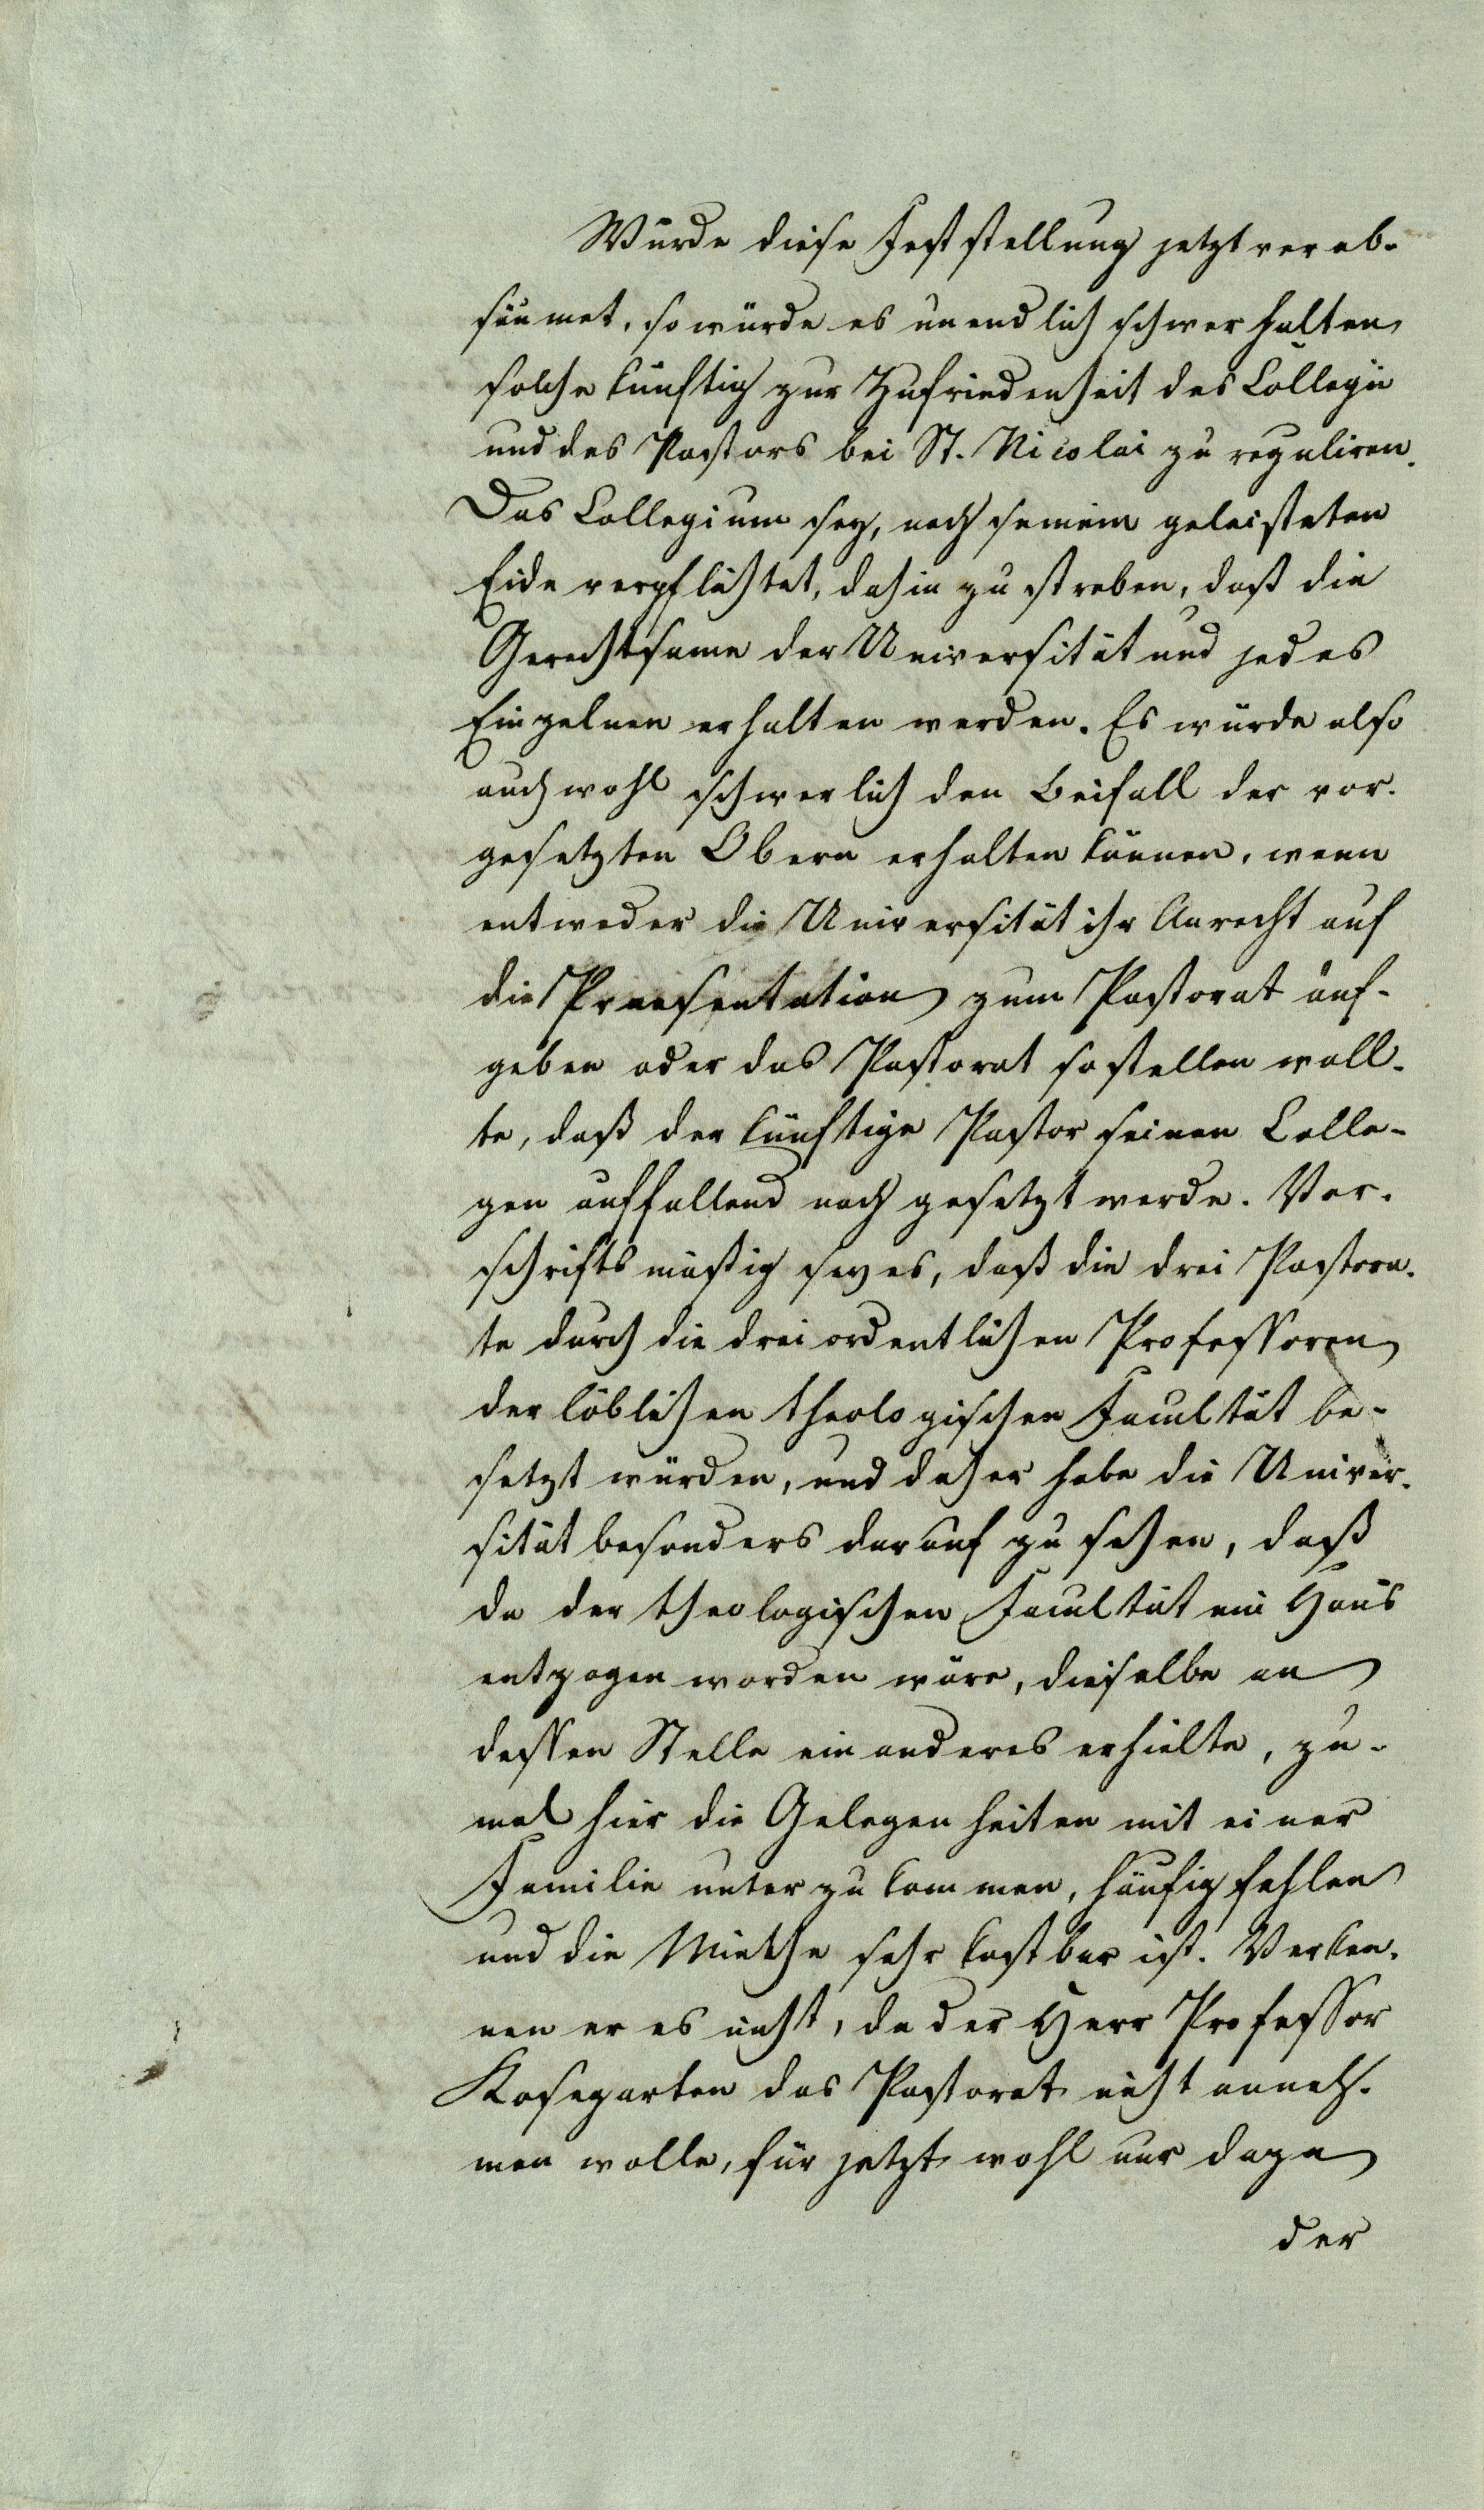Würde diese Feststellung jetzt verab¬
säumet, so würde es unendlich schwer halten
solche künftig zur Zufriedenheit des Collegii
und des Pastors bei St. Nicolai zu reguliren.
Das Collegium sey, nach seinem geleisteten
Eide verpflichtet, dahin zu streben, daß die
Gerechtsame der Universität und jedes
Einzelnen erhalten werden. Es würde also
auch wohl schwerlich den Beifall der vor¬
gesetzten Obern erhalten können, wenn
entweder die Universität ihr Anrecht auf
die Praesentation zum Pastorat auf¬
geben oder das Pastorat so stellen woll¬
te, daß der künftige Pastor seinen Colle¬
gen auffallend nach gesetzt werde. Vor¬
schriftsmässig sey es, daß die drei Pastora¬
te durch die drei ordentlichen Professoren
der löblichen theologischen Facultät be¬
setzt würden, und daher habe die Univer¬
sität besonders darauf zu sehen, daß
da der theologischen Facultät ein Haus
entzogen worden wäre, dieselbe an
dessen Stelle ein anderes erhielte, zu¬
mal hier die Gelegenheiten mit einer
Familie unter zu kommen, häufig fehlen
und die Miethe sehr kostbar ist. Verken¬
nen er es nicht, da der Herr Professor
Kosegarten das Pastorat nicht anneh¬
men wolle, für jetzt wohl und dazu
der